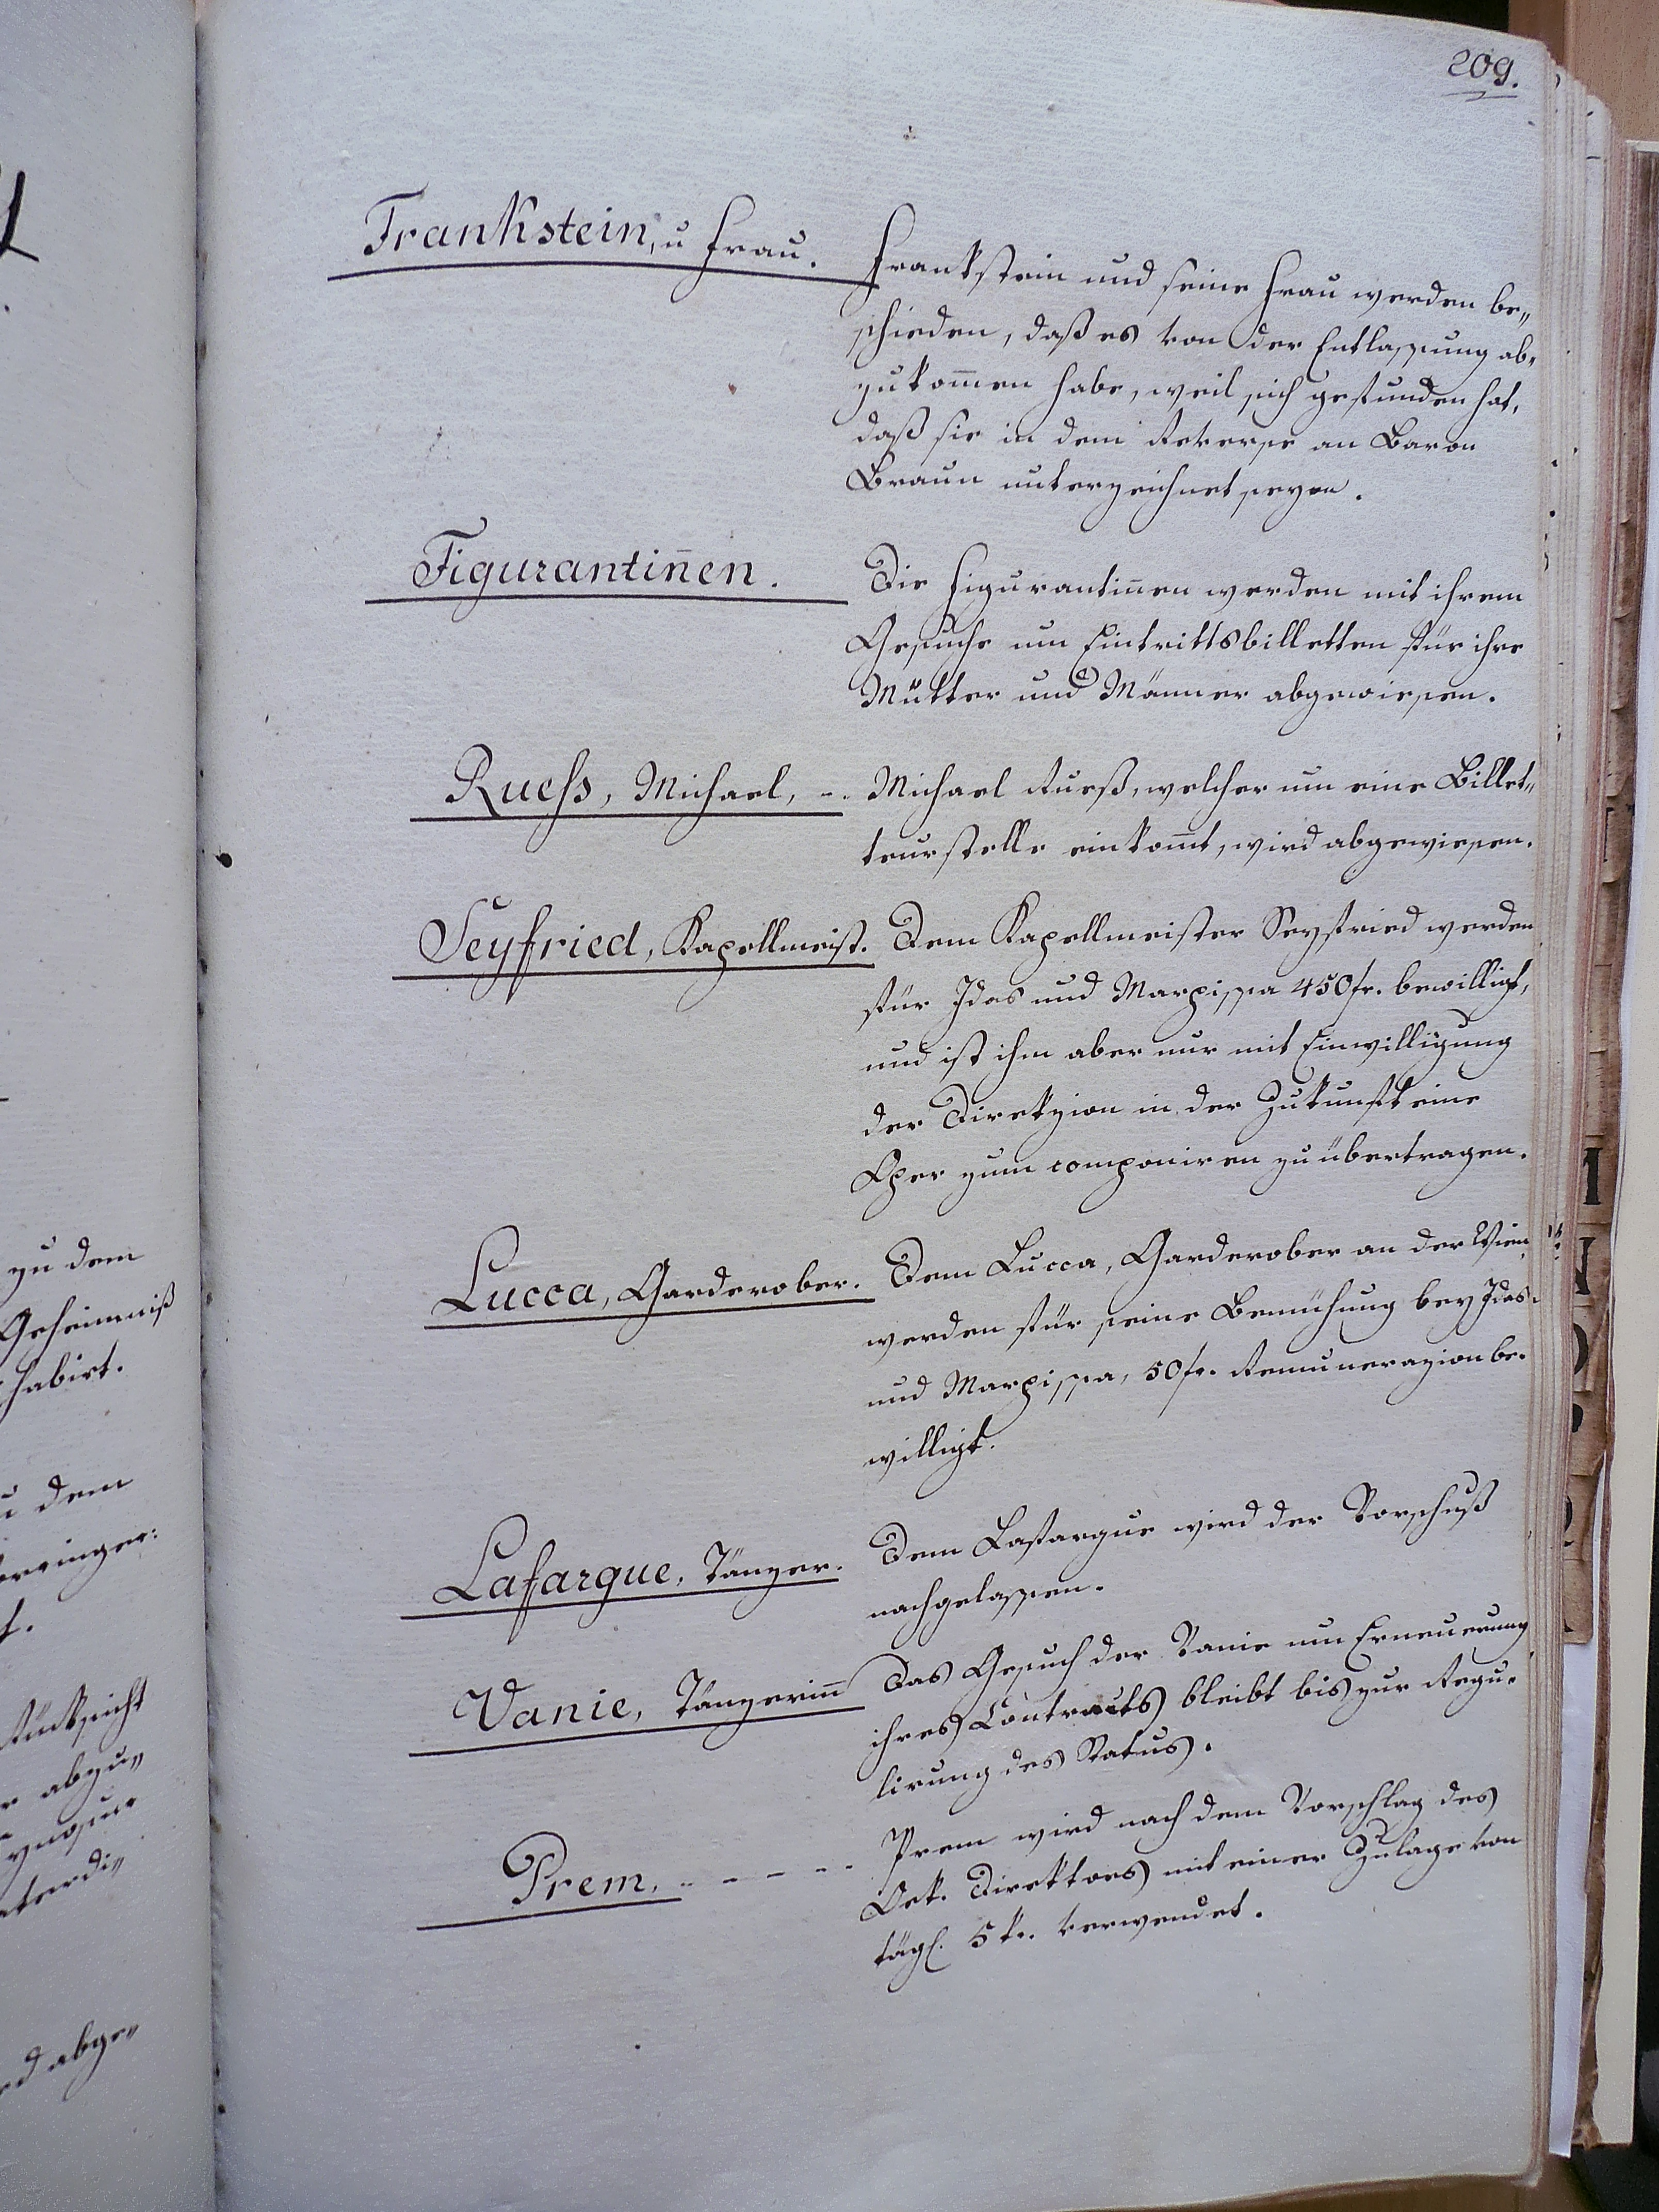209.
Frankstein, u Frau. Frankstein und seine Frau werden be¬
schieden, daß es von der Entlassung ab¬
zukom̅en habe, weil sich gefunden hat,
daß sie in dem Reverse an Baron
Braun unterzeichnet seyen.
Figurantin̅en. Die Figurantin̅en werden mit ihrem
Gesuche um Eintrittsbilletten für ihre
Mütter und Männer abgewiesen.
Ruess, Michael, .. . Michael Rueß, welcher um eine Billet¬
teurstelle einkom̅t, wird abgewiesen.
Seyfried, Kapellmeist. Dem Kapellmeister Seyfried werden
für Idas und Marpissa 450fr. bewilligt,
und ist ihm aber nur mit Einwilligung
der Direkzion in der Zukunft eine
Oper zum componiren zu übertragen.
Lucca, Garderober. Dem Lucca, Garderober an der Wien
werden für seine Bemühung bey Idas
und Marpissa, 50fr. Remunerazion be¬
willigt.
Lafargue, Tänzer. Dem Lafargue wird der Vorschuß
nachgelassen.
Vanie, Tänzerin̅ Das Gesuch der Vanie um Erneuerung
ihres Contracts bleibt bis zur Regu¬
lirung des Status.
Prem. .. .. .. .. . Prem wird nach dem Vorschlag des
Oek. Direktors, mit einer Zulage von
tägl. 5kr. verwendet.